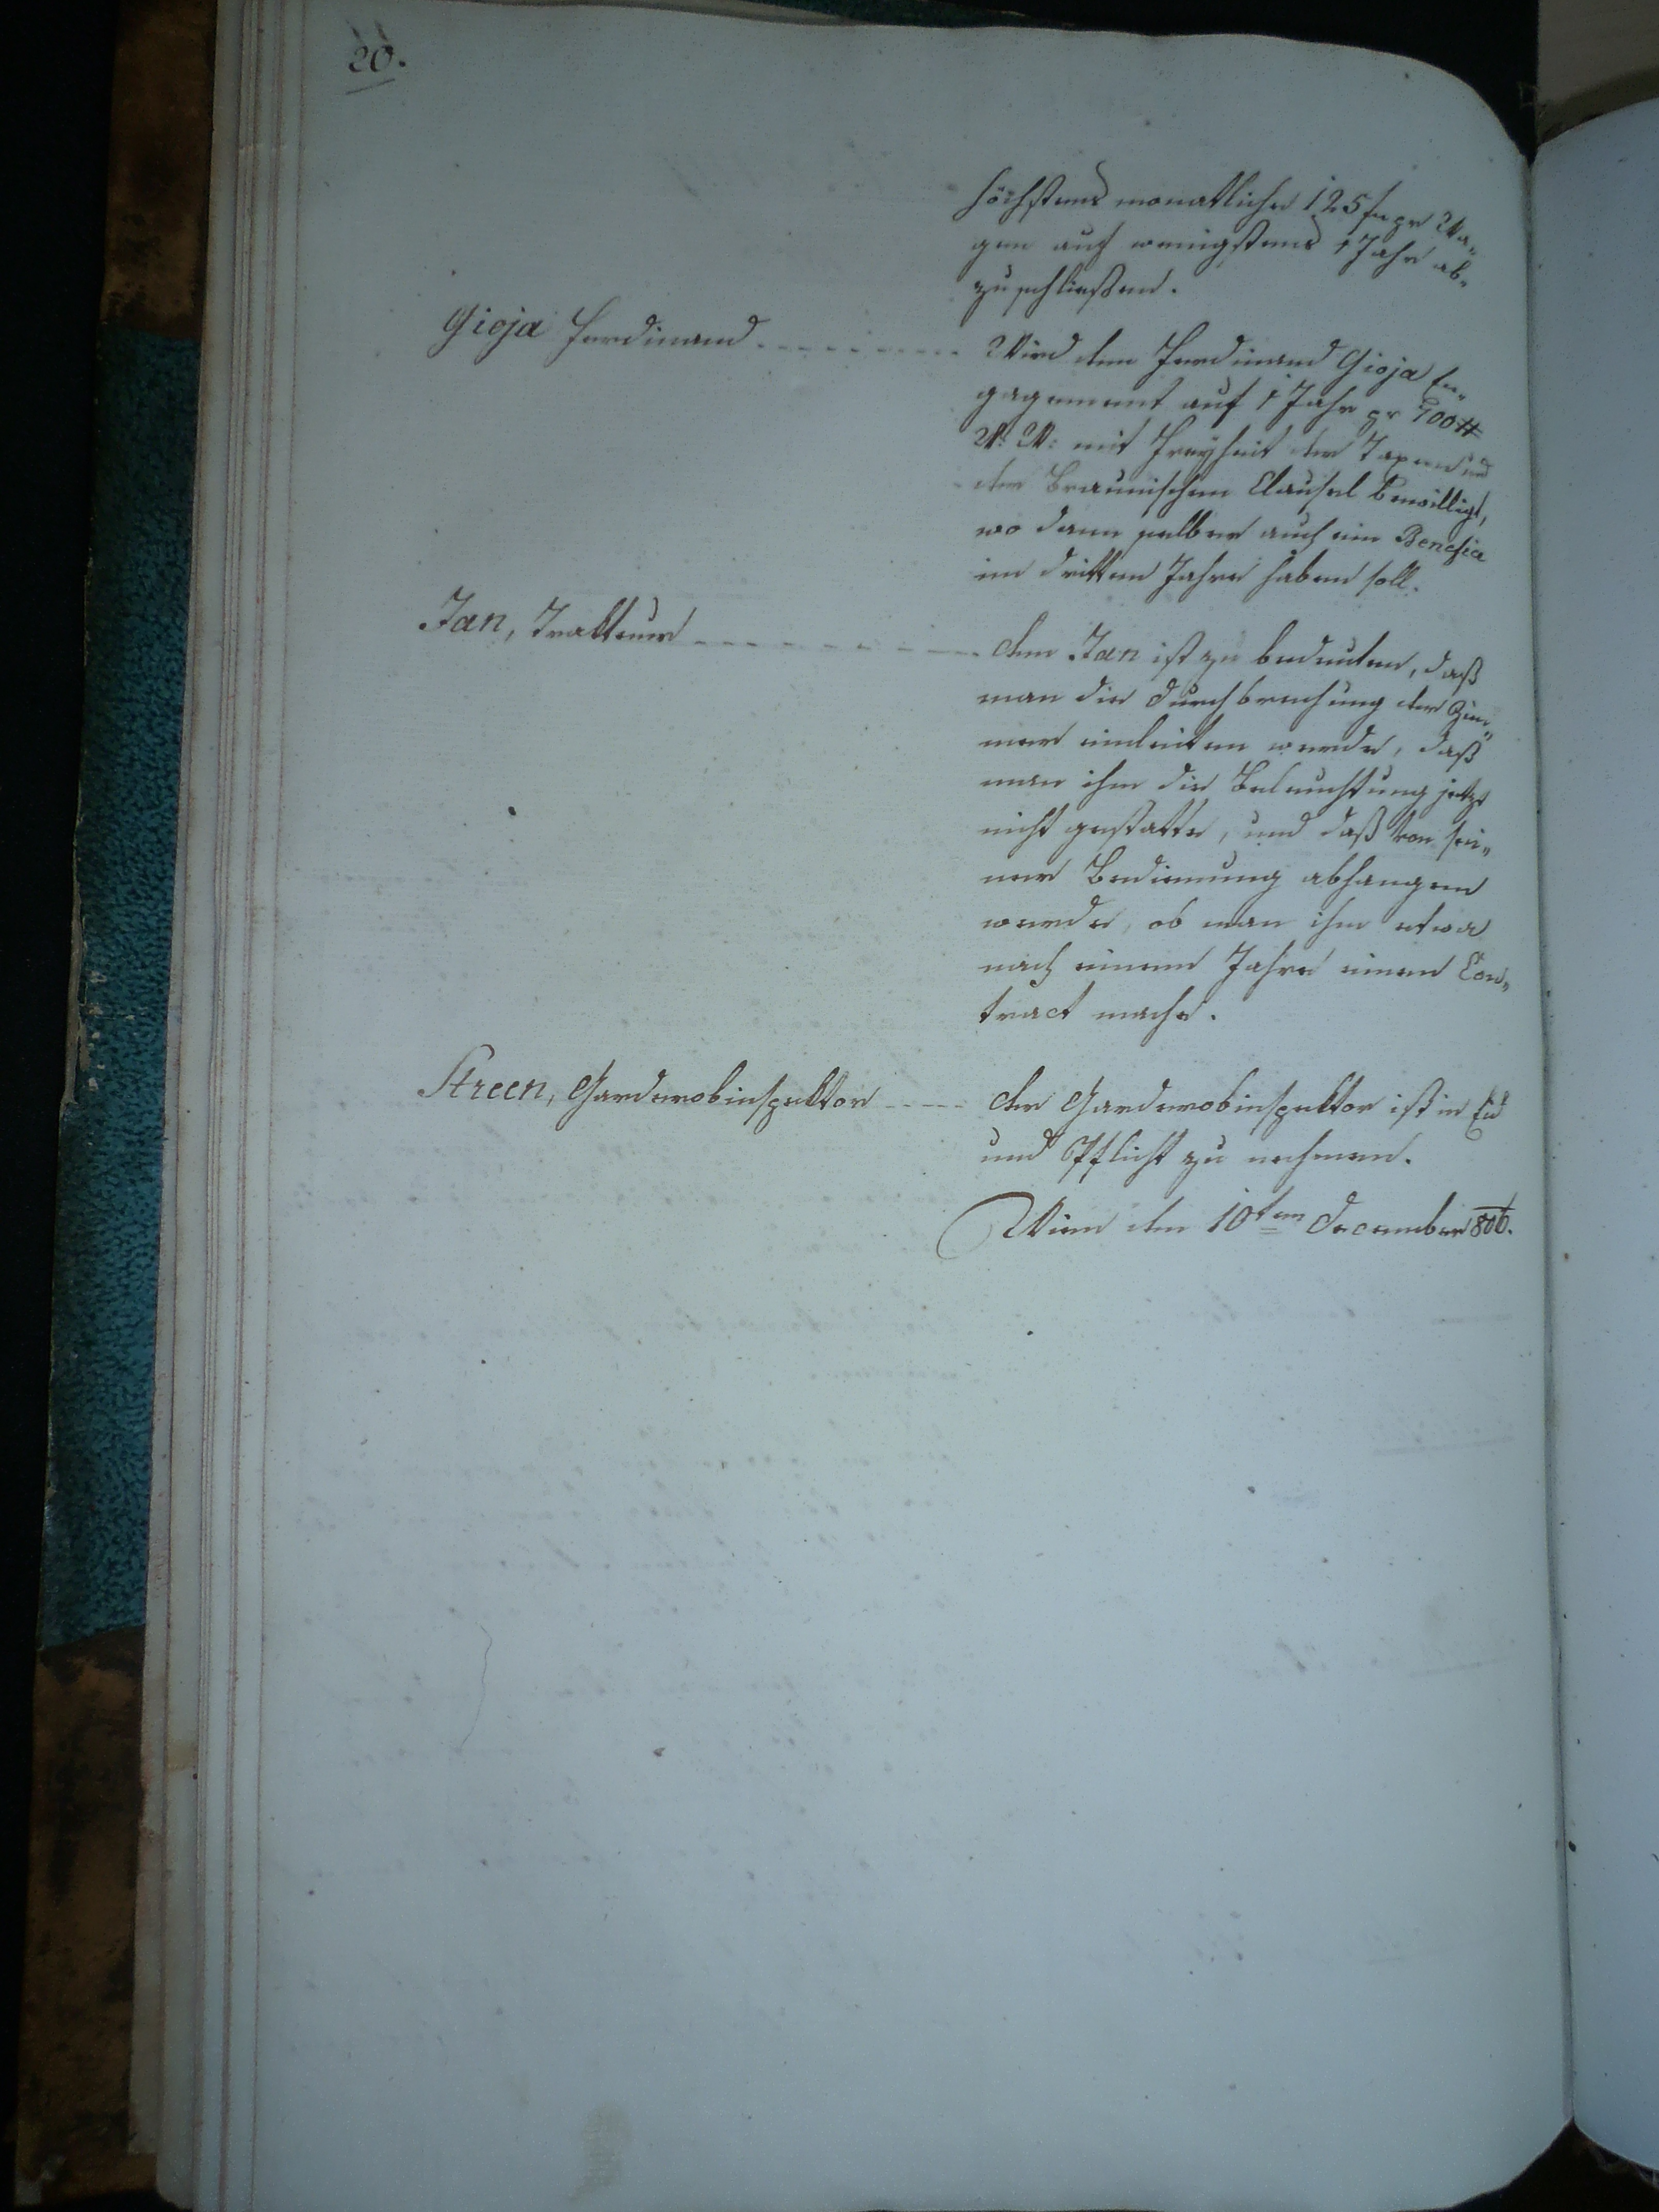20.
höchstens monatliche 125 fn pr Wa¬
gen auf wenigstens 1 Jahr ab¬
zuschließen.
Gioja Ferdinand ………. Wird dem Ferdinand Gioja En¬
gagement auf 1 Jahr pr 700#
W:W: mit Freyheit der Taxen und
der Braunischen Clausel bewilligt,
wo dann selber auch ein Benefice
im dritten Jahre haben soll.
Jan, Trakteur ……….. Dem Jan ist zu bedeuten, daß
man die Durchbrechung der Zim¬
mer einleiten werde, daß
man ihm die Beleuchtung jetzt
nicht gestatte, und daß von sei¬
ner Bedienung abhangen
werde, ob man ihm etwa
nach einem Jahre einen Con¬
tract mache.
Streen, Garderobinspektor ….. Der Garderobinspektior ist in Eid
und Pflicht zu nehmen.
Wien den 10te͇n December 8͞0͞6.